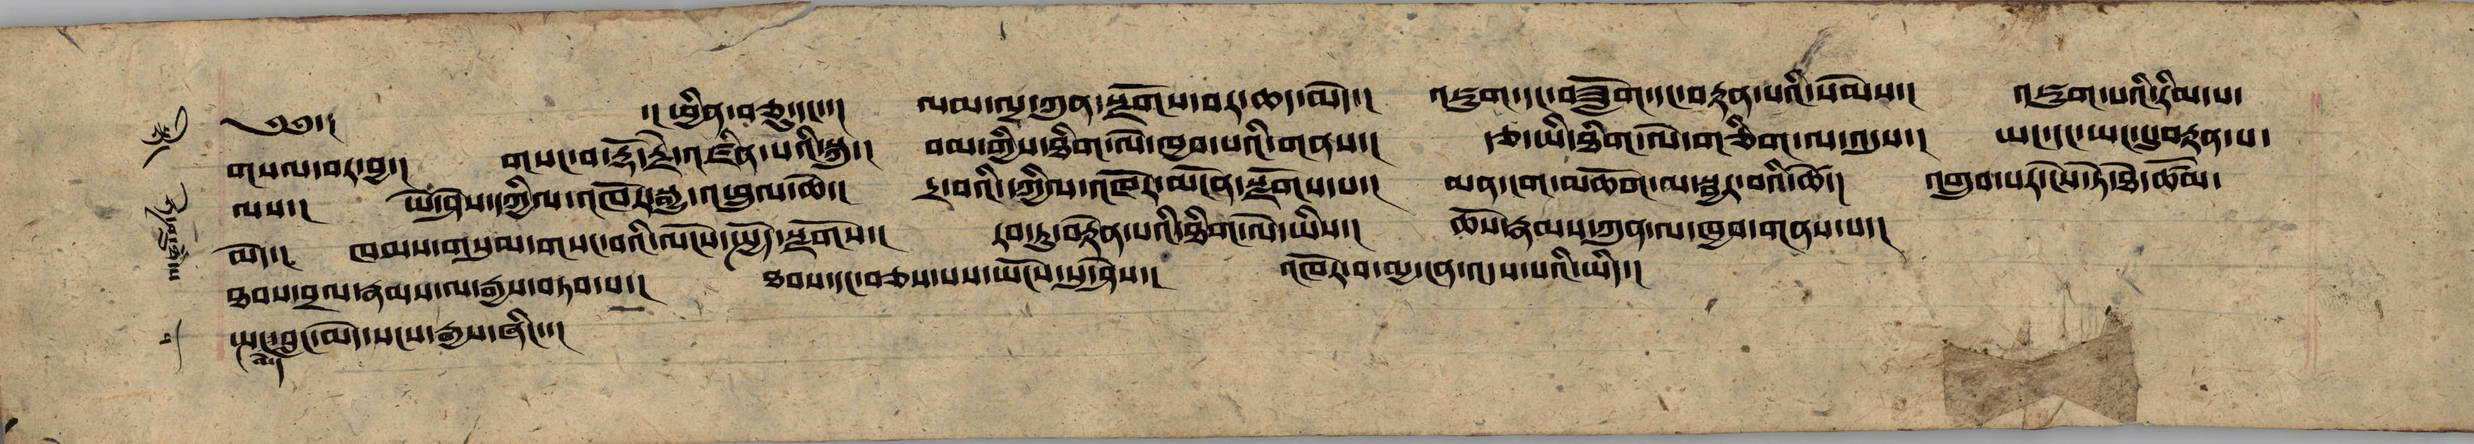༄༅་། ་།ཕྱིན་བཅུ་དང་་། ལམ་ལྔ་ཀུན་སྫོགས་བར་ཆད་མེད་། འཇུག་དང་བཟློག་དང་བརྟན་པའི་སེམས་། འཇུག་པའི་རིམ་པ་
གསལ་བར་བྱ་། གསང་བ་རྡོ་རྗེ་འཛིན་པའི་སྐུ་། བམ་གྱིས་ཐིག་ལེ་ཁྱབ་པའི་གནས་། རྩ་ཡི་ཐིག་ལེ་གཅིག་ལ་འདུས་། ཡང་དང་ཡང་དུ་བརྟན་པ་
ལས་། ཡེ་ཤེས་དཀྱིལ་འཁོར་སྒྱུ་འཕྲུལ་ཆེ་། དྲ་བའི་དཀྱིལ་འཁོར་མངོན་སྫོགས་པ་། མན་ངག་མཆོག་ལ་སྦྱར་བའི་ཚེ་། འགྲུབ་པར་ངེས་ཏེ་ཐེ་ཚོམ་
མེད་། ཁམས་གསུམ་གསང་བའི་ལོངས་སྤྱོད་སྫོགས་། རབ་ཏུ་བརྟེན་པའི་ཐིག་ལེ་ཡིས་། ཆོས་རྣམས་ཀུན་ལ་ཁྱབ་གནས་པ་།
ཐབས་བྲལ་རྣམས་ལ་རྒྱས་བཏབ་པ་། ཐབས་དང་བཅས་པས་ཡོངས་སུ་ཤཻས་། འཁོར་བ་མྱ་ངན་འདས་པའི་ཡིད་།
སྤང་མེད་བླང་མེད་སངས་རྒྱས་ཞིང་་།